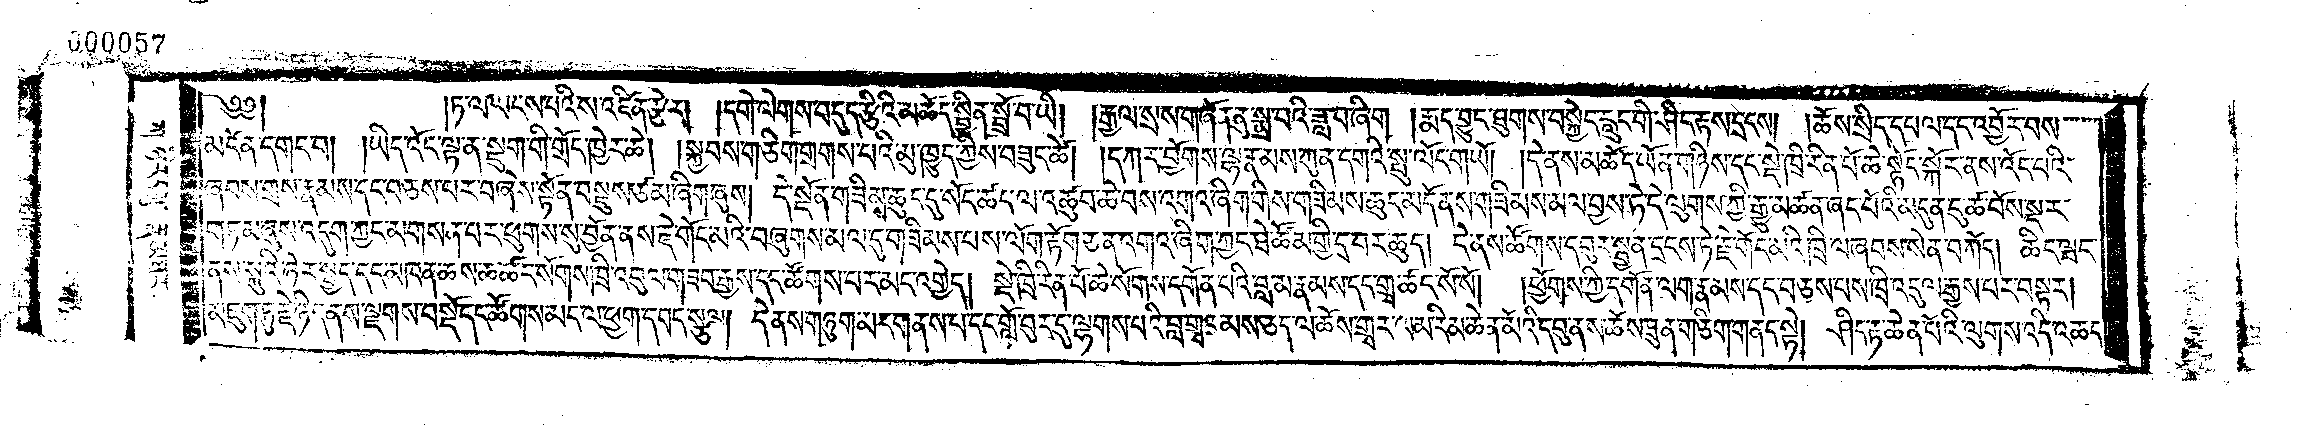༄༅། །ཏ་ལ་ཡངས་བའི་ས་འཛིན་རྩེར། །དགེ་ལེགས་བདུད་རྩིའི་མཆོད་སྦྱིན་སྤྲོ་བ་ཡི། །རྒྱལ་སྲས་གཞོན་ནུ་སྨྲ་བའི་ཟླ་བ་ཞིག །རྨད་བྱུང་ཐུགས་བསྐྱེད་རླུང་གི་ཤིང་རྟས་དྲངས། །ཆོས་སྲིད་དཔལ་དང་འབྱོར་བས་
མངོན་དགའ་བ། །ཡིད་འོང་ལྟ་ན་སྡུག་གི་གྲོང་ཁྱེར་ཆེ། །སྐྱབས་གཅིག་གྲགས་པའི་མུ་ཁྱུད་ཀྱིས་བཟུང་ཚེ། །དཀར་ཕྱོགས་ལྷ་རྣམས་ཀུན་དགའི་སྤུ་ལོང་གཡོ། །དེ་ནས་མཆོད་ཡོན་གཉིས་དང་སྡེ་ཁྲི་རིན་པོ་ཆེ་སྟོང་སྐོར་ནས་འོང་བའི་
ཞབས་གྲས་རྣམས་དང་བཅས་པར་བཞེས་སྟོན་བསྡུས་ཙམ་ཞིག་ཞུས། དེ་སྔོན་གཟིམས་ཆུང་དུ་སོང་ཚད་ལ་འཚུབ་ཆེ་བས་འགའ་ཞིག་གིས་གཟིམས་ཆུང་མདོ་ནས་གཟི་མས་མལ་བྱས་ཏེ་དེ་ལུགས་ཀྱི་རྒྱུ་མཚན་ཞང་པོའི་མདུན་དུ་ཚ་བོས་སྔར་
གཏམ་ཞུས་འདུག་ཀྱང་མ་གསན་པར་ཕུགས་སུ་བྱོན་ནས་རྗེ་གོང་མའི་བཞུགས་མལ་དུ་གཟིམས་པས་ལོག་རྟོག་ཅན་འགའ་ཞིག་ཀྱང་ཐེ་ཚོམ་གྱི་དྲ་བར་ཆུད། དེ་ནས་ཚོགས་དབུར་སྤྱན་དྲངས་ཏེ་རྗེ་གོང་མའི་ཁྲི་ལ་ཞབས་སེན་བཀོད། ཆིང་ཝང་
ནས་སྐུའི་ཉེར་སྤྱད་དང་མཁན་ཆས་ཆ་ཚང་སོགས་ཁྲི་འབུལ་གཟབ་རྒྱས་དང་ཚོགས་པར་མང་འགྱེད། སྡེ་ཁྲི་རིན་པོ་ཆེ་སོགས་དགོན་པའི་བླ་མ་རྣམས་དང་གྲྭ་ཚང་སོ་སོ། །ཕྱོགས་ཀྱི་དགོན་ལག་རྣམས་དང་བཅས་པས་ཁྲི་འབུལ་རྒྱས་པར་བསྟར།
མཇུག་ཏུ་རྗེ་ཉིད་ནས་ལྗགས་བསྔོ་དང་ཚོགས་མང་ལ་ཕྱག་དབང་སྩལ། དེ་ནས་གཉུག་མར་གནས་པ་དང་གློ་བུར་དུ་ལྷགས་པའི་བླ་གྲྭ་ཐམས་ཅད་ལ་ཆོས་གྲྭར་ལམ་རིམ་ཆེན་མོའི་དབུ་ནས་ཆོས་ཐུན་གཅིག་གནང་སྟེ། ཤིང་རྟ་ཆེན་པོའི་ལུགས་འདི་འཆད་